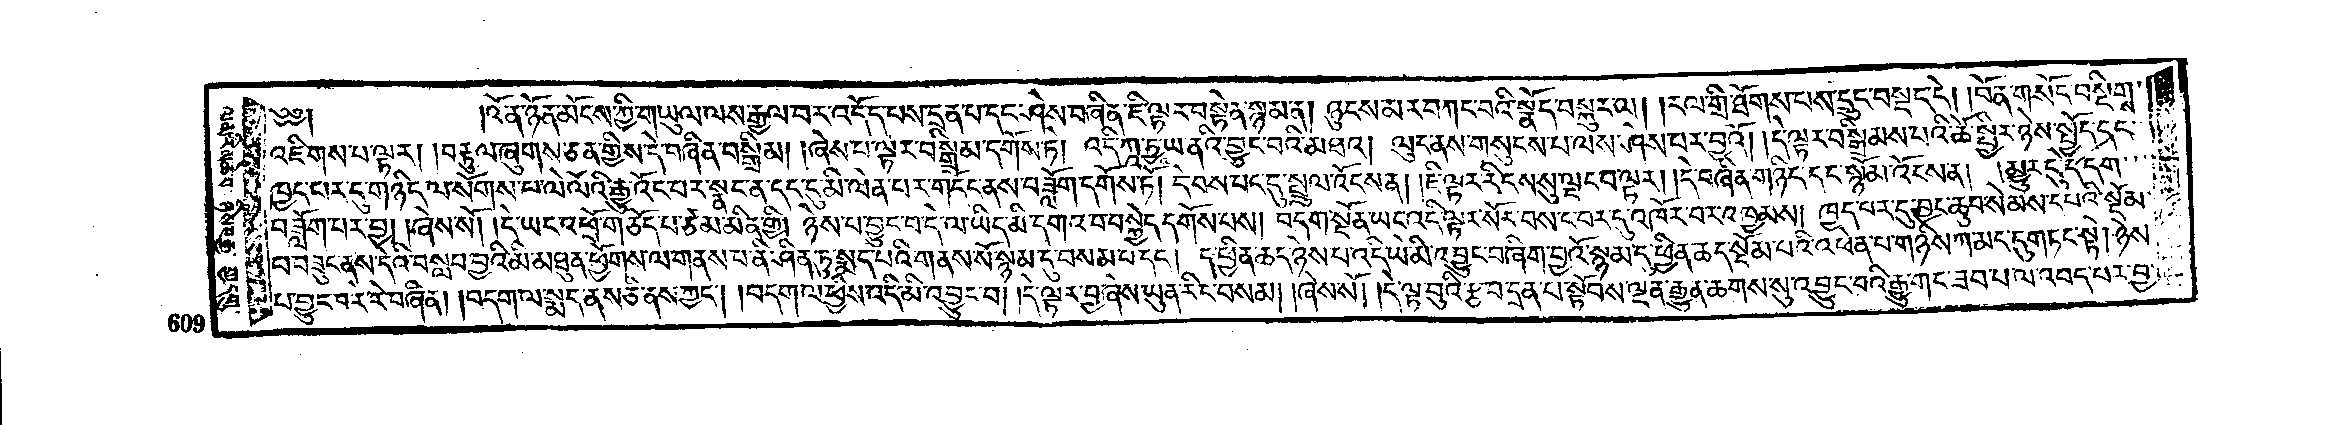༄༅། །འོ་ན་ཉོན་མོངས་ཀྱི་གཡུལ་ལས་རྒྱལ་བར་འདོད་པས་དྲན་པ་དང་ཤེས་བཞིན་ཇི་ལྟར་བསྟེན་སྙམ་ན། ཉུངས་མར་བཀང་བའི་སྣོད་བསྐུར་ལ། །རལ་གྲི་ཐོགས་པས་དྲུང་བསྡད་དེ། །བོན་གསོད་བསྡིགས་
འཇིགས་པ་ལྟར། །བརྟུལ་ཞུགས་ཅན་གྱིས་དེ་བཞིན་བསྒྲིམ། །ཞེས་པ་ལྟར་བསྒྲིམ་དགོས་ཏེ། འདི་ཀཱ་ཏྱཱ་ཡ་ནའི་བྱུང་བའི་མཐའ། ལུང་ནས་གསུངས་པ་ལས་ཤེས་པར་བྱའོ། །དེ་ལྟར་བསྒྲིམས་པའི་ཚེ་སྤྱིར་ཉེས་སྤྱོད་དང་
ཁྱད་པར་དུ་གཉིད་ལ་སོགས་པ་ལེ་ལོའི་རྒྱུ་འོང་བར་སྣང་ན་དང་དུ་མི་ལེན་པར་གདོང་ནས་བཟློག་དགོས་ཏེ། དེ་བས་པང་དུ་སྦྲུལ་འོངས་ན། །ཇི་ལྟར་རིངས་སུ་ལྡང་བ་ལྟར། །དེ་བཞིན་གཉིད་དང་སྙོམ་འོངས་ན། །མྱུར་དུ་དེ་དག་
བཟློག་པར་བྱ། །ཞེས་སོ། །དེ་ཡང་འཕྲོ་གཅོད་པ་ཙམ་མིན་གྱི། ཉེས་པ་བྱུང་བ་དེ་ལ་ཡིད་མི་དགའ་བ་བསྐྱེད་དགོས་པས། བདག་སྔོན་ཡང་འདི་ལྟར་སོང་བས་ད་བར་དུ་འཁོར་བར་འཁྱམས། ཁྱད་པར་དུ་བྱང་ཆུབ་སེམས་དཔའི་སྡོམ་
པ་བཟུང་ནས་དེའི་བསླབ་བྱའི་མི་མཐུན་ཕྱོགས་ལ་གནས་པ་ནི་ཤིན་ཏུ་སྨད་པའི་གནས་སོ་སྙམ་དུ་བསམ་པ་དང་། ད་ཕྱིན་ཆད་ཉེས་པ་འདི་ཡེ་མི་འབྱུང་བ་ཞིག་བྱའོ་སྙམ་དུ་ཕྱིན་ཆད་སྡོམ་པའི་འཕེན་པ་གཉིས་ཀ་མང་དུ་གཏང་སྟེ། ཉེས་
པ་བྱུང་བ་རེ་རེ་བཞིན། །བདག་ལ་སྨད་ནས་ཅི་ནས་ཀྱང་། །བདག་ལ་ཕྱིས་འདི་མི་འབྱུང་བ། །དེ་ལྟར་བྱ་ཞེས་ཡུན་རིང་བསམ། །ཞེས་སོ། །དེ་ལྟ་བུའི་རྩ་བ་དྲན་པ་སྟོབས་ལྡན་རྒྱུན་ཆགས་སུ་འབྱུང་བའི་རྒྱུ་གང་ཟབ་པ་ལ་འབད་པར་བྱ་